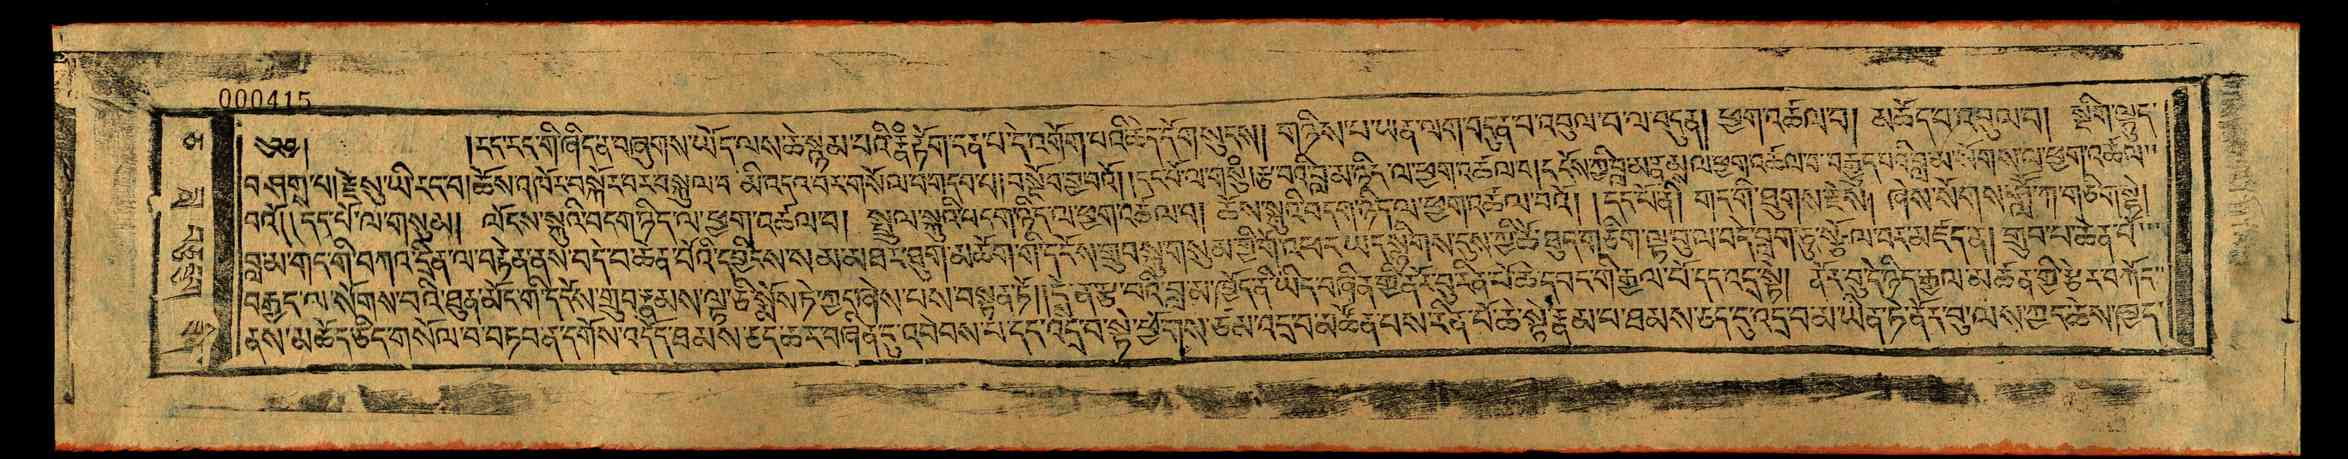༄༅། །རང་རང་གི་ཞིང་ན་བཞུགས་ཡོད་ལས་ཆེ་སྙམ་པའི་རྣམ་རྟོག་ངན་པ་དེ་འགོག་པའི་ཆེད་དོ་གསུངས། གཉིས་པ་ཡན་ལག་བདུན་པ་འབུལ་བ་ལ་བདུན། ཕྱག་འཚལ་བ། མཆོད་པ་འབུལ་བ། སྡིག་ལྟུང་
བཤགས་པ། རྗེས་སུ་ཡི་རང་བ། ཆོས་འཁོར་བསྐོར་བར་བསྐུལ་བ། མི་འདའ་བར་གསོལ་བ་གདབ་པ། བསྔོ་བ་བྱ་བའོ། །དང་པོ་ལ་གསུམ། རྩ་བའི་བླ་མ་ཉིད་ལ་ཕྱག་འཚལ་བ་དངོས་ཀྱི་བླ་མ་རྣམས་ལ་ཕྱག་འཚལ་བ། བརྒྱུད་པའི་བླ་མ་སོགས་ལ་ཕྱག་འཚལ་
བའོ༑ ༑དང་པོ་ལ་གསུམ། ལོངས་སྐུའི་བདག་ཉིད་ལ་ཕྱག་འཚལ་བ། སྤྲུལ་སྐུའི་བདག་ཉིད་ལ་ཕྱག་འཚལ་བ། ཆོས་སྐུའི་བདག་ཉིད་ལ་ཕྱག་འཚལ་བའོ། །དང་པོ་ནི། གང་གི་ཐུགས་རྗེས། ཞེས་སོགས་ཤླཽ་ཀ་གཅིག་སྟེ།
བླ་མ་གང་གི་བཀའ་དྲིན་ལ་བརྟེན་ནས་བདེ་བ་ཆེན་པོའི་དབྱིངས་སམ་མཐར་ཐུག་མཆོག་གི་དངོས་གྲུབ་སྐུ་གསུམ་གྱི་གོ་འཕང་ཡང་སྙིགས་དུས་ཀྱི་ཚེ་ཐུང་གཅིག་ལྟ་བུ་ལ་བདེ་བླག་ཏུ་སྩོལ་བར་མཛད་ན། གྲུབ་པ་ཆེན་པོ་
བརྒྱད་ལ་སོགས་པའི་ཐུན་མོང་གི་དངོས་གྲུབ་རྣམས་ལྟ་ཅི་སྨོས་ཏེ་ཀྱང་ཞེས་པས་བསྟན་ཏོ། །དེས་ན་རྩ་བའི་བླ་མ་ཁྱོད་ནི་ཡིད་བཞིན་གྱི་ནོར་བུ་རིན་པོ་ཆེ་དབང་གི་རྒྱལ་པོ་དང་འདྲ་སྟེ། ནོར་བུ་དེ་ཉིད་རྒྱལ་མཚན་གྱི་རྩེར་བཀོད་
ནས་མཆོད་ཅིང་གསོལ་བ་བཏབ་ན་དགོས་འདོད་ཐམས་ཅད་ཆར་བཞིན་དུ་འབེབས་པ་དང་འདྲ་བ་སྟེ་ཕྱོགས་ཙམ་འདྲ་བ་མཚོན་པས་རིན་པོ་ཆེ་སྟེ་རྣམ་པ་ཐམས་ཅད་དུ་འདྲ་བ་མ་ཡིན་ཏེ་ནོར་བུ་ལས་ཀྱང་ཆེས་ཁྱད་